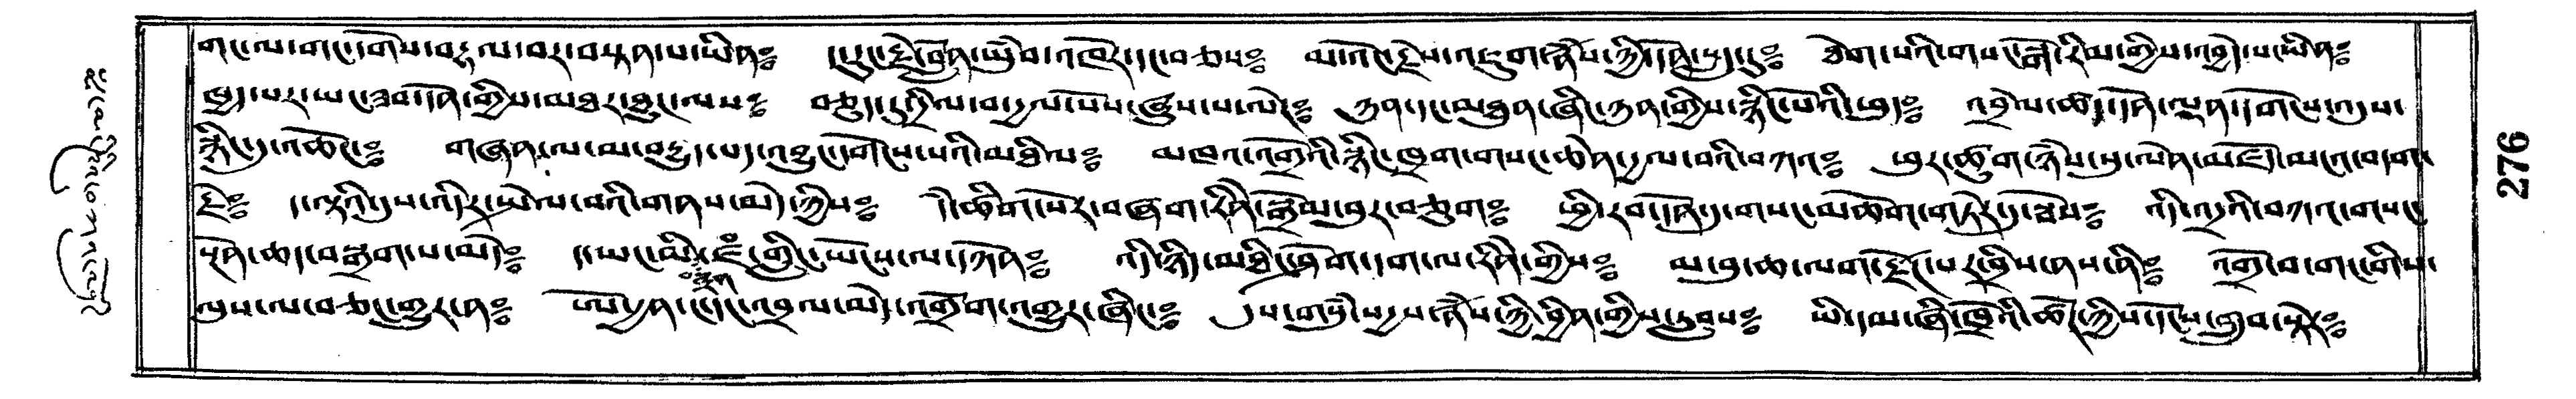གང་ལ་གང་དགོས་བརྡལ་བར་བསྟན་པ་ཡིན༔ ད་རུང་རྗེ་བློན་ཡབ་ཡུམ་འཁོར་དང་བཅས༔ མ་འོངས་རྗེས་འཇུག་རྣམས་ཀྱི་དོན་སླད་དུ༔ ཐེག་པའི་གསང་སྒོ་རིམ་གྱིས་འབྱེད་པ་ཡིན༔ 
ཁྱད་པར་ཡང་ཟབ་དོན་གྱི་མཐར་ཐུག་ལས༔ བཅུད་དུ་དྲིལ་བ་རྒྱལ་པོས་ཞུས་པ་ལེགས༔ ཀུན་དང་མཐུན་ཞིང་ཀུན་གྱིས་སྙིང་པོའི་ཕུལ༔ འབྲེལ་ཚད་དོན་ལྡན་དགོངས་འདུས་
སྙིང་དུ་འཆོངས༔ གཞན་ལས་མ་བརྒྱུད་པད་འབྱུང་དགོངས་པའི་མཐིལ༔ མཁའ་འགྲོའི་སྙིང་ཁྲག་གསང་ཆེན་རྒྱལ་བའི་བཀའ༔ཕུར་ཚུག་ཉམས་སུ་ལེན་མཛོད་མངའ་བདག་
རྗེ༔ ད་ལྟའི་དུས་འདིར་སྤེལ་བའི་གནས་མེད་ཀྱིས༔ དམ་ཚིག་སོར་བཞག་རིན་ཆེན་སྒྲོམ་བུར་བཅུག༔ ཕྱི་རབས་དོན་དུ་གསང་མཆོག་གཏེར་དུ་སྦོས༔ འདི་འདྲའི་བཀའ་གསང་
སྔོན་ཆད་བསྒྲགས་པ་མེད༔ ད་ཡང་མི་སྒྲོག་འཛམ་གླིང་ཡོངས་ལ་དཀོན༔ འདི་ཉིད་མཐིང་ཤོག་དག་ལ་རིན་ཆེན་གྱིས༔ མ་བུ་ཆ་ལག་རྫོགས་པར་བྲིས་ནས་ནི༔ འགྲོ་བ་གང་གིས་
ལུས་ལ་བཅངས་གྱུར་ན༔ ཨོ་རྒྱན་ང་དང་འབྲལ་མེད་འགྲོགས་འགྱུར་ཞིང༔ དུས་གསུམ་སངས་རྒྱས་རྣམས་ཀྱིས་བྱིན་གྱིས་རློབ༔ ཡི་དམ་ཞི་ཁྲོའི་ཚོགས་ཀྱིས་དངོས་གྲུབ་སྟེར༔